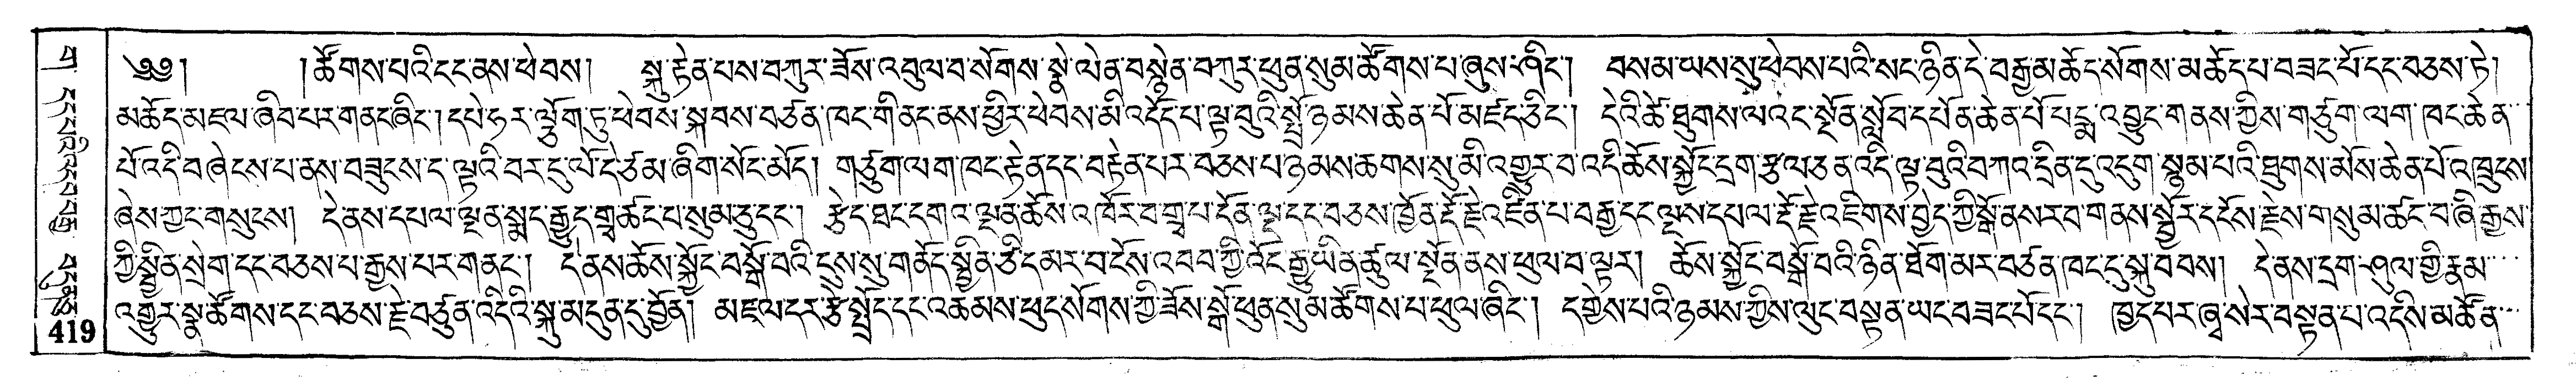༄༅། །ཚོགས་པའི་ངང་ནས་ཕེབས། སྐུ་རྟེན་པས་བཀུར་ཟོས་འབུལ་བ་སོགས་སྣེ་ལེན་བསྙེན་བཀུར་ཕུན་སུམ་ཚོགས་པ་ཞུས་ཤིང་། བསམ་ཡས་སུ་ཕེབས་པའི་སང་ཉིན་དེ་བརྒྱ་མཆོད་སོགས་མཆོད་པ་བཟང་པོ་དང་བཅས་ཏེ་
མཆོད་མཇལ་ཞིབ་པར་གནང་ཞིང་། དཔེ་ཧར་ལྕོག་ཏུ་ཕེབས་སྐབས་བཙན་ཁང་གི་ནང་ནས་ཕྱིར་ཕེབས་མི་འདོད་པ་ལྟ་བུའི་སྤྲོ་ཉམས་ཆེན་པོ་མཛད་ཅིང་། དེའི་ཚེ་ཐུགས་ལའང་སྔོན་སློབ་དཔོན་ཆེན་པོ་པདམ་འབྱུང་གནས་ཀྱིས་གཙུག་ལག་ཁང་ཆེན་
པོ་འདི་བཞེངས་པ་ནས་བཟུངས་ད་ལྟའི་བར་དུ་ལོ་དེ་ཙམ་ཞིག་སོང་མོད། གཙུག་ལག་ཁང་རྟེན་དང་བརྟེན་པར་བཅས་པ་ཉམས་ཆགས་སུ་མི་འགྱུར་བ་འདི་ཆོས་སྐྱོང་དྲག་རྩལ་ཅན་འདི་ལྟ་བུའི་བཀའ་དྲིན་དུ་འདུག་སྙམ་པའི་ཐུགས་མོས་ཆེན་པོ་འཁྲུངས་
ཞེས་ཀྱང་གསུངས། དེ་ནས་དཔལ་ལྡན་སྨད་རྒྱུད་གྲྭ་ཚང་པ་སུམ་ཅུ་དང་། རྩེད་ཐང་དགའ་ལྡན་ཆོས་འཁོར་བ་གྲྭ་པ་དོན་ལྔ་དང་བཅས་ཁྱོན་རྡོ་རྗེ་འཛིན་པ་བརྒྱ་དང་ལྔས་དཔལ་རྡོ་རྗེ་འཇིགས་བྱེད་ཀྱི་སྒོ་ནས་རབ་གནས་སྦྱོར་དངོས་རྗེས་གསུམ་ཚང་བཞི་རྒྱས་
ཀྱི་སྦྱིན་སྲེག་དང་བཅས་པ་རྒྱས་པར་གནང་། དེ་ནས་ཆོས་སྐྱོང་བསྒོ་བའི་དུས་སུ་གནོད་སྦྱིན་ཅི་དམར་བ་ངོས་འབབ་ཀྱི་འོང་རྒྱུ་ཡིན་ཚུལ་སྔོན་ནས་ཕུལ་བ་ལྟར། ཆོས་སྐྱོང་བསྒོ་བའི་ཉིན་ཐོག་མར་བཙན་ཁང་དུ་སྐུ་བབས། དེ་ནས་དྲག་ཤུལ་གྱི་རྣམ་
འགྱུར་སྣ་ཚོགས་དང་བཅས་རྗེ་བཙུན་འདིའི་སྐུ་མདུན་དུ་བྱོན། མཇལ་དར་རྩེ་སྤྲོད་དང་འཆམས་ཕུད་སོགས་ཀྱི་ཟོས་སྒོ་ཕུན་སུམ་ཚོགས་པ་ཕུལ་ཞིང་། དགྱེས་པའི་ཉམས་ཀྱིས་ལུང་བསྟན་ཡང་བཟང་པོ་དང་། ཁྱད་པར་ཞྭ་སེར་བསྟན་པ་འདིས་མཚོན་